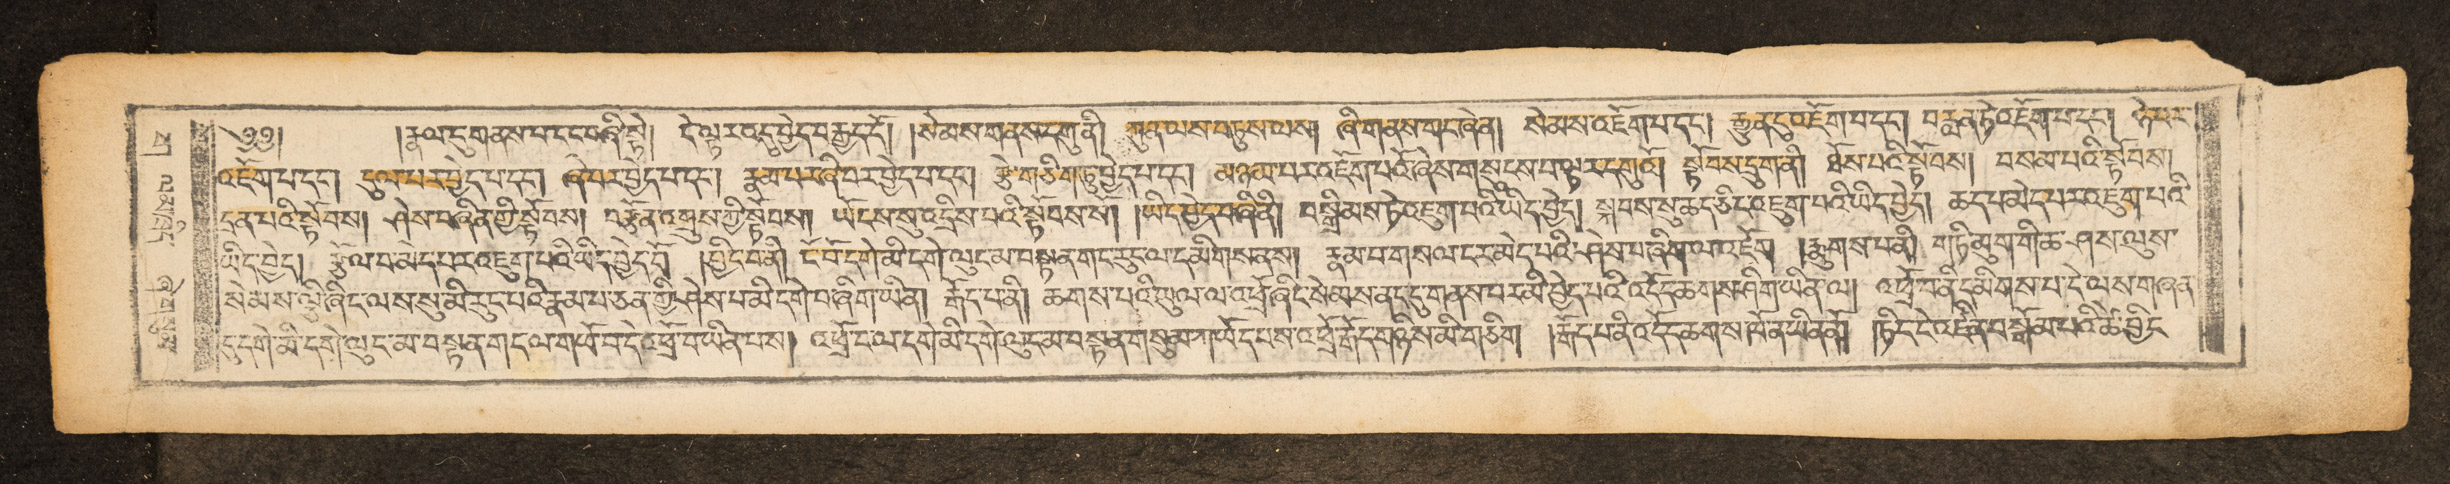༄༅། །རྣལ་དུ་གནས་པ་དང་བཞི་སྟེ། དེ་ལྟར་འདུ་བྱེད་བརྒྱད་དོ། །སེམས་གནས་དགུ་ནི། ཀུན་ལས་བཏུས་ལས། ཞི་གནས་གང་ཞེ་ན། སེམས་འཇོག་པ་དང་། རྒྱུན་དུ་འཇོག་པ་དང་། བརླན་ཏེ་འཇོག་པ་དང་། ཉེ་བར་
འཇོག་པ་དང་། དུལ་པར་བྱེད་པ་དང་། ཞེ་བར་བྱེད་པ་དང་། རྣམ་པར་ཞི་བར་བྱེད་པ་དང་། རྩེ་གཅིག་ཏུ་བྱེད་པ་དང་། མཉམ་པར་འཇོག་པའོ་ཞེས་གསུངས་པ་ལྟར་དགུའོ། སྟོབས་དྲུག་ནི། ཐོས་པའི་སྟོབས། བསམ་པའི་སྟོབས།
དྲན་པའི་སྟོབས། ཤེས་བཞིན་གྱི་སྟོབས། བརྩོན་འགྲུས་ཀྱི་སྟོབས། ཡོངས་སུ་འདྲིས་པའི་སྟོབས་སོ། །ཡིད་བྱེད་བཞི་ནི། བསྒྲིམས་ཏེ་འཇུག་པའི་ཡིད་བྱེད། སྐབས་སུ་ཆད་ཅིང་འཇུག་པའི་ཡིད་བྱེད། ཆད་པ་མེད་པར་འཇུག་པའི་
ཡིད་བྱེད། རྩོལ་བ་མེད་པར་འཇུག་པའི་ཡིད་བྱེད་དོ། །བྱིང་བ་ནི། ངོ་བོ་དགེ་མི་དགེ་ལུང་མ་བསྟན་གང་རུང་ལ་དམིགས་ནས། རྣམ་པ་གསལ་ངར་མེད་པའི་ཤེས་པ་ཞིག་ལ་འཇོག །རྨུགས་པ་ནི། གཏི་མུག་གི་ཆ་ཤས་ལུས་
སེམས་ལྕི་ཞིང་ལས་སུ་མི་རུང་བའི་རྣམ་པ་ཅན་གྱི་ཤེས་པ་མི་དགེ་བ་ཞིག་ཡིན། རྒོད་པ་ནི། ཆགས་པའི་ཡུལ་ལ་འཕྲོ་ཞིང་སེམས་ནང་དུ་གནས་པར་མི་བྱེད་པའི་འདོད་ཆགས་ཤིག་ཡིན་ལ། འཕྲོ་བ་ནི་དམིགས་པ་དེ་ལས་གཞན་
དུ་དགེ་མི་དགེ་ལུང་མ་བསྟན་གང་ལ་གཡོ་བ་དེ་འཕྲོ་བ་ཡིན་པས། འཕྲོ་བ་ལ་དགེ་མི་དགེ་ལུང་མ་བསྟན་གསུམ་ཀ་ཡོད་པས་འཕྲོ་རྒོད་གཉིས་མི་གཅིག །རྒོད་པ་ནི་འདོད་ཆགས་ཁོ་ན་ཡིན་ནོ། །ཏིང་ངེ་འཛིན་བསྒོམ་པའི་ཚེ་བྱིང་